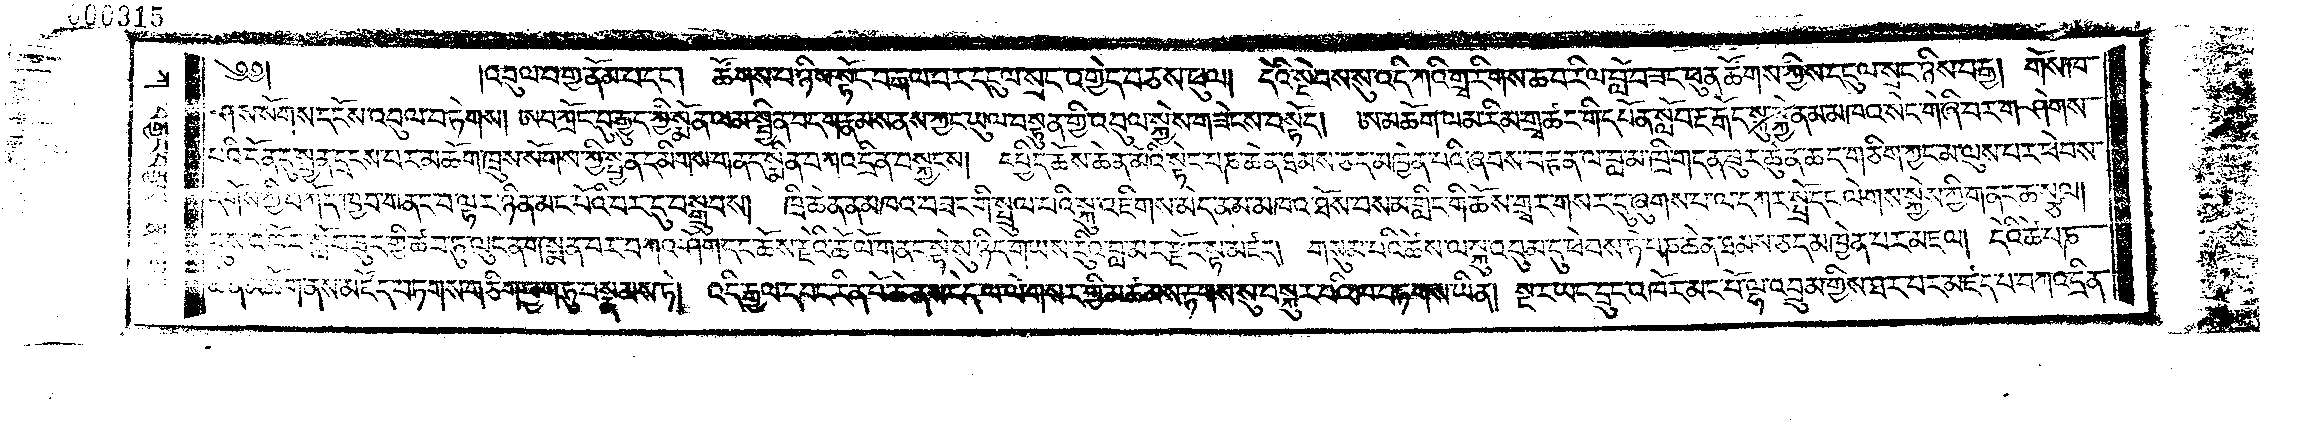༄༅། །འབུལ་བ་གྱ་ནོམ་པ་དང་། ཚོགས་པ་ཉིས་སྟོང་བརྒལ་བར་དངུལ་སྲང་འགྱེད་བཅས་ཕུལ། དེའི་སྔེབས་སུ་འདི་ཀའི་གྲྭ་རིགས་ཆབ་རིལ་བློ་བཟང་ཕུན་ཚོགས་ཀྱིས་དངུལ་སྲང་ཉིས་བརྒྱ། གོས་ཁ་
ཤས་སོགས་དངོས་འབུལ་བཏེགས། ཨབ་ཀྲོང་བུ་རྒྱུད་ཀྱི་སྨོན་ལམ་སྦྱིན་བདག་རྣམས་ནས་ཀྱང་ཡུལ་བསྟུན་གྱི་འབུལ་སྐྱེས་གཟེངས་བསྟོད། ཨ་མཆོག་ལམ་རིམ་གྲྭ་ཚང་གི་དཔོན་སློབ་རྔ་རྒོད་སྐུ་སྐྱེ་ནམ་མཁའ་སེང་གེ་ཞི་བར་གཤེགས་
པའི་དོན་དུ་སྤྱན་དྲངས་པར་མཆོག་ཁྲུས་སོགས་ཀྱི་སྤྱན་དམིགས་གནད་སྨིན་བཀའ་དྲིན་བསྐྱངས། དཔྱིད་ཆོས་ཆེན་མོའི་སྟེང་པཎ་ཆེན་ཐམས་ཅད་མཁྱེན་པའི་ཞབས་བརྟན་ལ་བླ་མ་ཁྲི་གདན་ཟུར་ཚུན་ཆད་གཅིག་ཀྱང་མ་ལུས་པར་ཕེབས་
དགོས་ཀྱི་བཀོད་ཁྱབ་གནང་བ་ལྟར་ཉིན་མང་པོའི་པར་དུ་བསྒྲུབས། ཁྲི་ཆེན་ན་མཁའ་བཟང་གི་སྤྲུལ་པའི་སྐུ་འཇིགས་མེད་ནམ་མཁའ་ཐོས་བསམ་གླིང་གི་ཆོས་གྲྭར་གསར་དུ་ཞུགས་པ་ལ་དཀར་སྤྲོ་དང་ལེགས་སྐྱེས་ཀྱི་གནང་ཆ་སྩལ།
དུས་འཁོར་སློབ་ཟུར་གྱི་ཚབ་ཏུ་ལུང་ནག་སྨན་པར་བཀའ་ཤོག་དང་ཆོས་རྗེའི་ཚེ་ལོ་གནང་སྟེ་སུ་ཉིད་གཡས་རུའི་བླ་མར་རྫོང་སྟ་མཛད། གསུམ་པའི་ཚེས་ལ་སྐུ་འབུམ་དུ་ཕེབས་ཏེ་པཎ་ཆེན་ཐམས་ཅད་མཁྱེན་པར་མཇལ། དེའི་ཚེ་པཎ་
ཆེན་མཆོག་ནས་མཛོད་བཏགས་གཅིག་ཕྱག་ཏུ་བསྣམས་ཏེ། འདི་རྒྱལ་དབང་རིན་པོ་ཆེ་ནས་ངེད་ལ་ལོ་གསར་གྱི་མཚམས་རྟགས་སུ་བསྐུར་བའི་ཁ་བཏགས་ཡིན། སྔར་ཡང་དྲུང་འཁོར་མང་པོ་ལྷ་འབྲུམ་གྱིས་ཐར་བར་མཛད་པ་བཀའ་དྲིན་